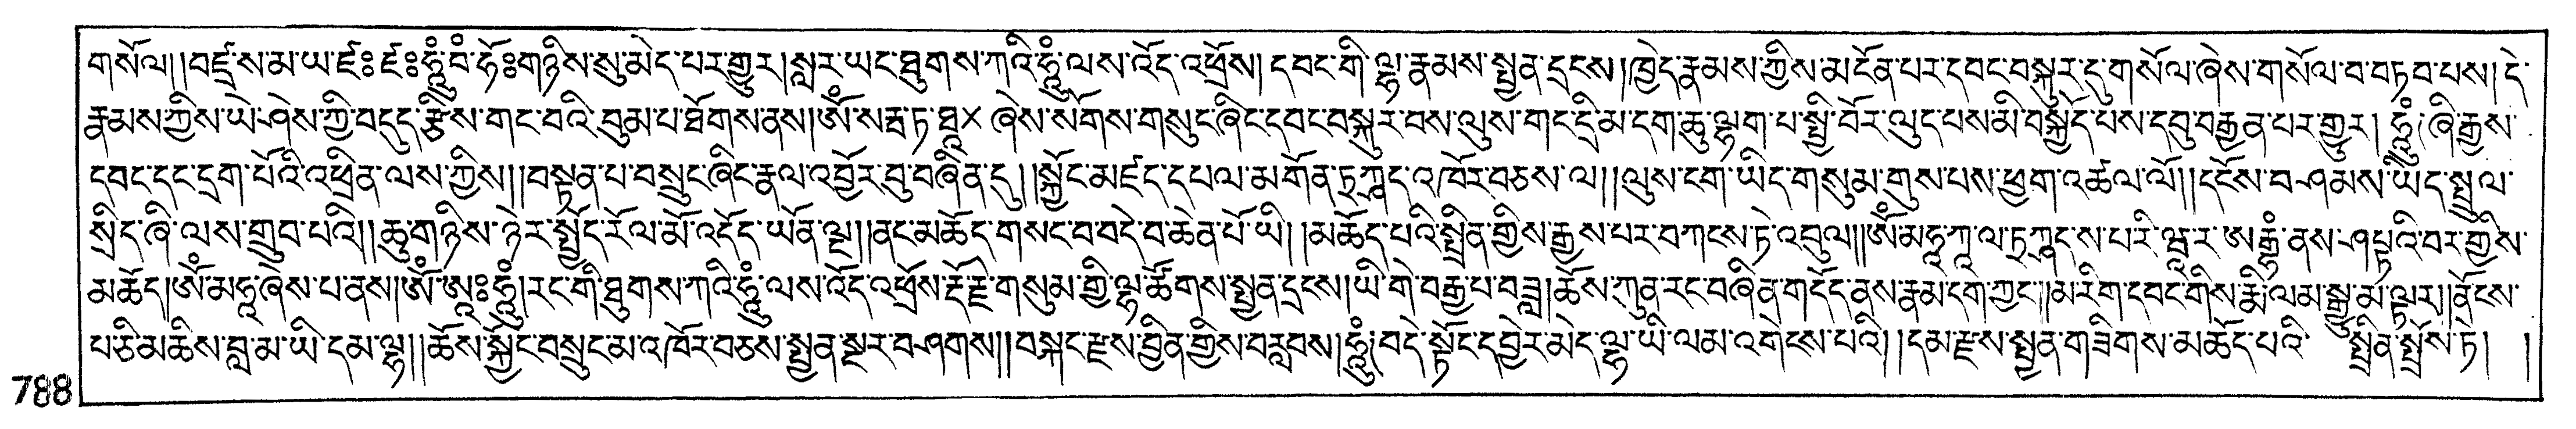གསོལ། །བཛྲ་ས་མ་ཡ་ཛཿ ཛཿ ཧཱུཾ་བཾ་ཧོཿ གཉིས་སུ་མེད་པར་གྱུར། སླར་ཡང་ཐུགས་ཀའི་ཧཱུཾ་ལས་འོད་འཕྲོས། དབང་གི་ལྷ་རྣམས་སྤྱན་དྲངས། ཁྱེད་རྣམས་ཀྱིས་མངོན་པར་དབང་བསྐུར་དུ་གསོལ་ཞེས་གསོལ་བ་བཏབ་པས། དེ་
རྣམས་ཀྱིས་ཡེ་ཤེས་ཀྱི་བདུད་རྩིས་གང་བའི་བུམ་པ་ཐོགས་ནས། ཨོཾ་སརྦ་ཏ་ཐཱ་྾་ཞེས་སོགས་གསུང་ཞིང་དབང་བསྐུར་བས་ལུས་གང་དྲི་མ་དག་ཆུ་ལྷག་པ་སྤྱི་བོར་ལུད་པས་མི་བསྐྱོད་པས་དབུ་བརྒྱན་པར་གྱུར། ཧཱུཾ༑ ཞི་རྒྱས་
དབང་དང་དྲག་པོའི་འཕྲིན་ལས་ཀྱིས། །བསྟན་པ་བསྲུང་ཞིང་རྣལ་འབྱོར་བུ་བཞིན་དུ། །སྐྱོང་མཛད་དཔལ་མགོན་ཏྲཀྴད་འཁོར་བཅས་ལ། །ལུས་ངག་ཡིད་གསུམ་གུས་པས་ཕྱག་འཚལ་ལོ། །དངོས་བཤམས་ཡིད་སྤྲུལ་
སྲིད་ཞི་ལས་གྲུབ་པའི། །ཆུ་གཉིས་ཉེར་སྤྱོད་རོལ་མོ་འདོད་ཡོན་ལྔ། །ནང་མཆོད་གསང་བ་བདེ་བ་ཆེན་པོ་ཡི། །མཆོད་པའི་སྤྲིན་གྱིས་རྒྱས་པར་བཀངས་ཏེ་འབུལ། །ཨོཾ་མཧཱ་ཀཱ་ལ་ཏྲཀྴད་ས་པ་རི་ཝཱ་ར་ཨརྒྷཾ་ནས་ཤཔྟའི་བར་གྱིས་
མཆོད། ཨོཾ་མཧཱ་ཞེས་པ་ནས། ཨོཾ་ཨཱཿ ཧཱུཾ། རང་གི་ཐུགས་ཀའི་ཧཱུཾ་ལས་འོད་འཕྲོས་རྡོ་རྗེ་གསུམ་གྱི་ལྷ་ཚོགས་སྤྱན་དྲངས། ཡི་གེ་བརྒྱ་པ་བཟླ། ཆོས་ཀུན་རང་བཞིན་གདོད་ནས་རྣམ་དག་ཀྱང་། །མ་རིག་དབང་གིས་རྨི་ལམ་སྒྱུ་མ་ལྟར། །ནོངས་
པ་ཅི་མཆིས་བླ་མ་ཡི་དམ་ལྷ། །ཆོས་སྐྱོང་བསྲུང་མ་འཁོར་བཅས་སྤྱན་སྔར་བཤགས། །བསྐང་རྫས་བྱིན་གྱིས་བརླབས། ཧཱུཾ༑ བདེ་སྟོང་དབྱེར་མེད་ལྷ་ཡི་ལམ་འགེངས་པའི། །དམ་རྫས་སྤྱན་གཟིགས་མཆོད་པའི་སྤྲིན་སྤྲོས་ཏེ། །